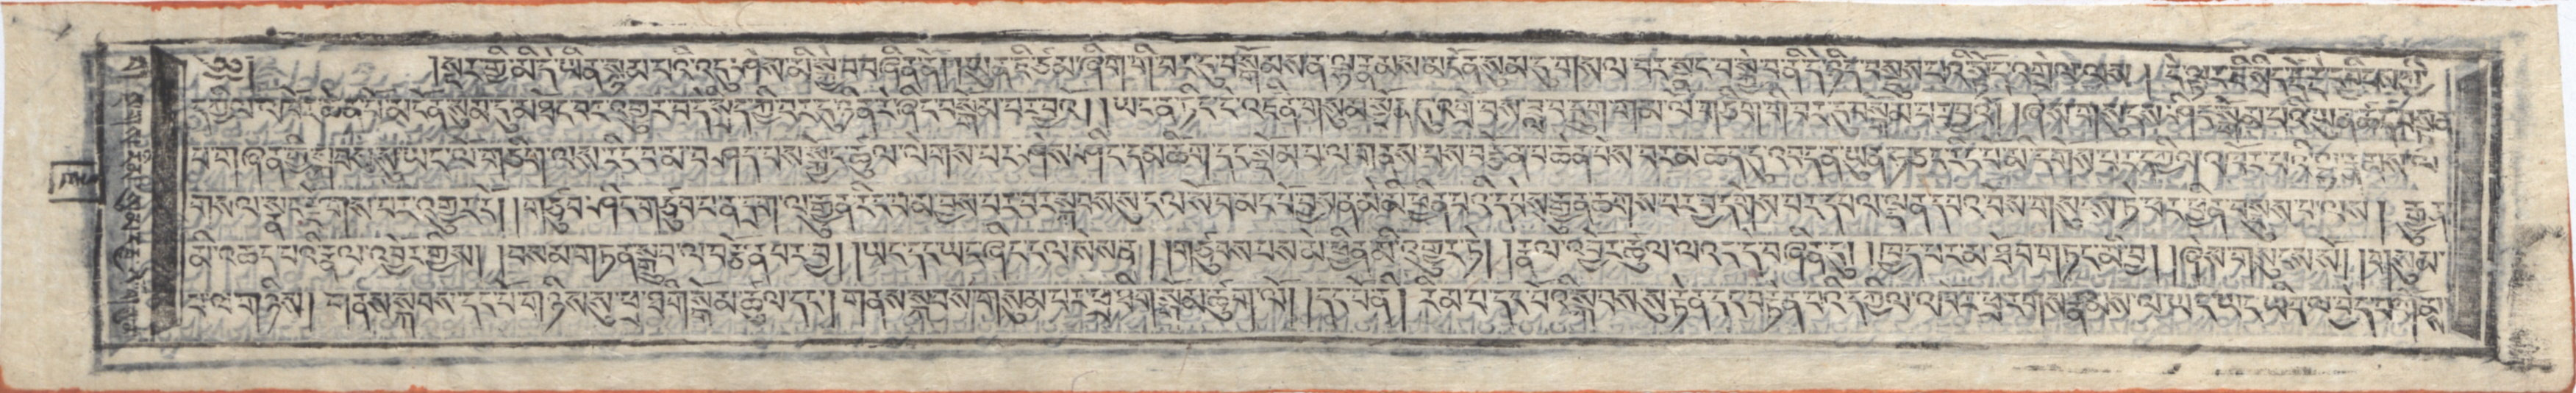༄༅། །སྔར་གྱི་མི་དེ་ཡིན་སྙམ་པའི་འདུ་ཤེས་མི་སྐྱེ་བ་བཞིན་ནོ། །ཡུན་ཇི་ཙམ་ཞིག་གི་བར་དུ་བསྒོམས་ན་ལྷ་རྣམས་མངོན་སུམ་དུ་གསལ་བར་སྣང་བ་སྐྱེ་བ་ནི་དེ་ཉིད་བསྡུས་པའི་སྟོང་འགྲེལ་ལས། དེ་ལྟར་ཇི་སྲིད་རྡོ་རྗེ་དབྱིངས་ཀྱི་
དཀྱིལ་འཁོར་ཆེན་པོ་མངོན་སུམ་དུ་མཐོང་བར་འགྱུར་བ་དེ་སྲིད་ཀྱི་བར་དུ་ཉིན་རེ་ཞིང་བསྒོམ་པར་བྱའོ། །ཡང་ན་ཏིང་ངེ་འཛིན་གསུམ་སྔོན་དུ་འགྲོ་བས་ཟླ་བ་དྲུག་གམ་ལོ་གཅིག་གི་བར་དུ་བསྒོམ་པར་བྱའོ། །ཞེས་གསུངས་ཤིང་སྒོམ་པའི་ཡུན་ཚད་བསྟན་
པ་གཞན་གྱི་སྐབས་སུ་ཡང་ལོ་གཅིག་ལས་རིང་བ་མ་བཤད་པས་སྐྱོང་ཚུལ་ལེགས་པར་ཤེས་ཤིང་དམ་ཚིག་དང་སྡོམ་པ་ལ་གནས་པས་བརྩོན་པ་ཆེན་པོས་བར་མ་ཆད་དུ་འབད་ན་ཡུན་ཧ་ཅང་རིང་པོ་མི་དགོས་པར་དཀྱིལ་འཁོར་པའི་ལྷ་རྣམས་ལ་
གསལ་སྣང་རྫོགས་པར་འགྱུར་རོ། །གཙུབ་ཤིང་གཙུབ་པ་ན་དྲག་ལ་རྒྱུན་རིང་བ་མ་བྱས་པར་བར་སྐབས་སུ་ངལ་སོ་བ་མང་པོ་བྱས་ན་མེ་མི་ཕྱིན་པའི་དཔེས་རྒྱུན་ཆགས་པར་བྱ་དགོས་པར་དཔལ་ལྡན་དཔའ་བོས་གསུངས་ཏེ་ཕར་ཕྱིན་བསྡུས་པ་ལས། རྒྱུན་
མི་འཆད་པའི་རྣལ་འབྱོར་གྱིས། །བསམ་གཏན་སྒྲུབ་ལ་བརྩོན་པར་བྱ། །ཡང་དང་ཡང་ཞིང་ངལ་སོས་ན། །གཙུབས་པས་མེ་ཕྱིན་མི་འགྱུར་ཏེ། །རྣལ་འབྱོར་ཚུལ་ལའང་དེ་བཞིན་དུ། །ཁྱད་པར་མ་ཐོབ་གཏང་མི་བྱ། །ཞེས་གསུངས་སོ། །གསུམ་
པ་ལ་གཉིས། གནས་སྐབས་དང་པོ་གཉིས་སུ་ཕྲ་ཐིག་སྒོམ་ཚུལ་དང་། གནས་སྐབས་གསུམ་པར་ཕྲ་ཐིག་སྒོམ་ཚུག་ལོ། །དང་པོ་ནི། རིམ་པ་དང་པོའི་སྐབས་སུ་རྟེན་དང་བརྟེན་པའི་དཀྱིལ་འཁོར་ཕྲ་རགས་རྣམས་ལ་ཡང་ཡང་ཡིད་ལ་བྱེད་པ་གོམས་